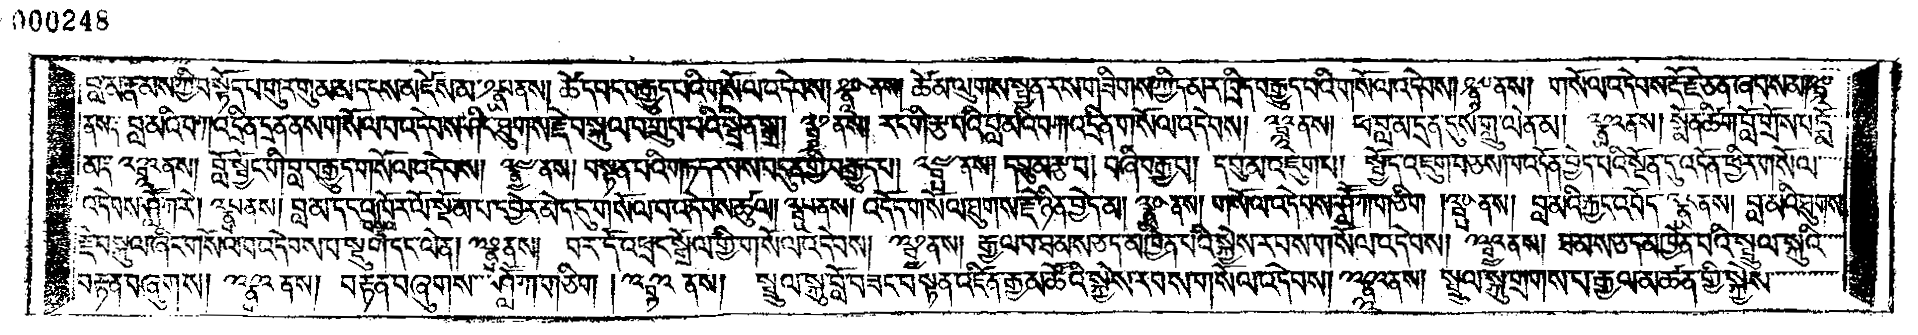བླ་མ་རྣམས་ཀྱི་བསྟོད་པ་གུར་གུམ་མདངས་མཛེས་མ ༡༥ན༥་ནས། ཚེ་དབང་བརྒྱུད་པའི་གསོལ་འདེབས། ༡༦ན༢་ནས། ཚེ་མ་ལུགས་སྤྱན་རས་གཟིགས་ཀྱི་དམར་ཁྲིད་བརྒྱུད་པའི་གསོལ་འདེབས། ༡༦ན༡་ནས། གསོལ་འདེབས་རྡོ་རྗེ་ཅན་ཞབས་མ ༡༦བ༢
ནས༑ བླ་མའི་བཀའ་དྲིན་དྲན་ནས་གསོལ་འདེབས་ཤིང་ཐུགས་རྗེ་བསྐུལ་པ་གྲུབ་པའི་སྤྲིན་སྒྲ། ༢༡བ༡་ནས། རང་གི་རྩ་བའི་བླ་མའི་བཀའ་དྲིན་གསོལ་འདེབས། ༢༢བ༣་ནས། ཕ་བླ་མ་དྲན་དུས་གླུ་ལེན་མ། ༢༣ན༥་ནས། སྨོན་ཚིག་བློ་གྲོས་པདམོ་
མ༑ ༢༣བ༢་ནས། བློ་སྦྱོང་གི་བླ་བརྒྱུད་གསོལ་འདེབས། ༢༤ན༤་ནས། བསྟན་པའི་གཏད་རབས་བདུན་གྱི་བརྒྱུད་པ། ༢༤བ༥་ནས། དབུ་མ་རྩ་བ། བཞི་བརྒྱ་པ། དབུ་མ་འཇུག་པ། སྤྱོད་འཇུག་བཅས་ཁ་འདོན་བྱེད་པའི་སྔོན་དུ་འདོན་ཕྱིར་གསོལ་
འདེབས་ཤླཽཀ་རེ། ༢༥ན༥་པ་ནས། བླ་མ་དང་བསྔལ་འཁོར་ལོ་སྡོམ་པ་དབྱེར་མེད་དུ་གསོལ་བ་འདེབས་ཚུལ། ༢༥བ༥་ནས། འདོད་གསོལ་ཐུགས་རྗེ་ཉིན་བྱེད་མ། ༢༦ན༦་ནས། གསོལ་འདེབས་ཤླཽཀ་གཅིག །༢༦བ༥་ནས། བླ་མའི་རྐྱང་འབོད ༢༨ན༥་ནས། བླ་མའི་ཐུགས་
རྗེ་བསྐུལ་ཞིང་གསོལ་བ་འདེབས་པ་སྡུག་དང་ལེན། ༣༠ན༥་ནས། བར་དོ་འཕྲང་སྒྲོལ་གྱི་གསོལ་འདེབས། ༣༡བ༤་ནས། རྒྱལ་བ་ཐམས་ཅད་མཁྱེན་པའི་སྐྱེས་རབས་གསོལ་འདེབས། ༣༢བ༤་ནས། ཐམས་ཅད་མཁྱེན་པའི་སྤྲུལ་སྐུའི་
བརྟན་བཞུགས། ༣༣ན༥་ནས། བརྟན་བཞུགས་ཤླཽཀ་གཅིག །༣༣བ༡་ནས། སྤྲུལ་སྐུ་བློ་བཟང་བསྟན་འཛིན་རྒྱ་མཚོའི་སྐྱེས་རབས་གསོལ་འདེབས། ༣༣ན༣་ནས། སྤྲུལ་སྐུ་གྲགས་པ་རྒྱལ་མཚན་གྱི་སྐྱེས་